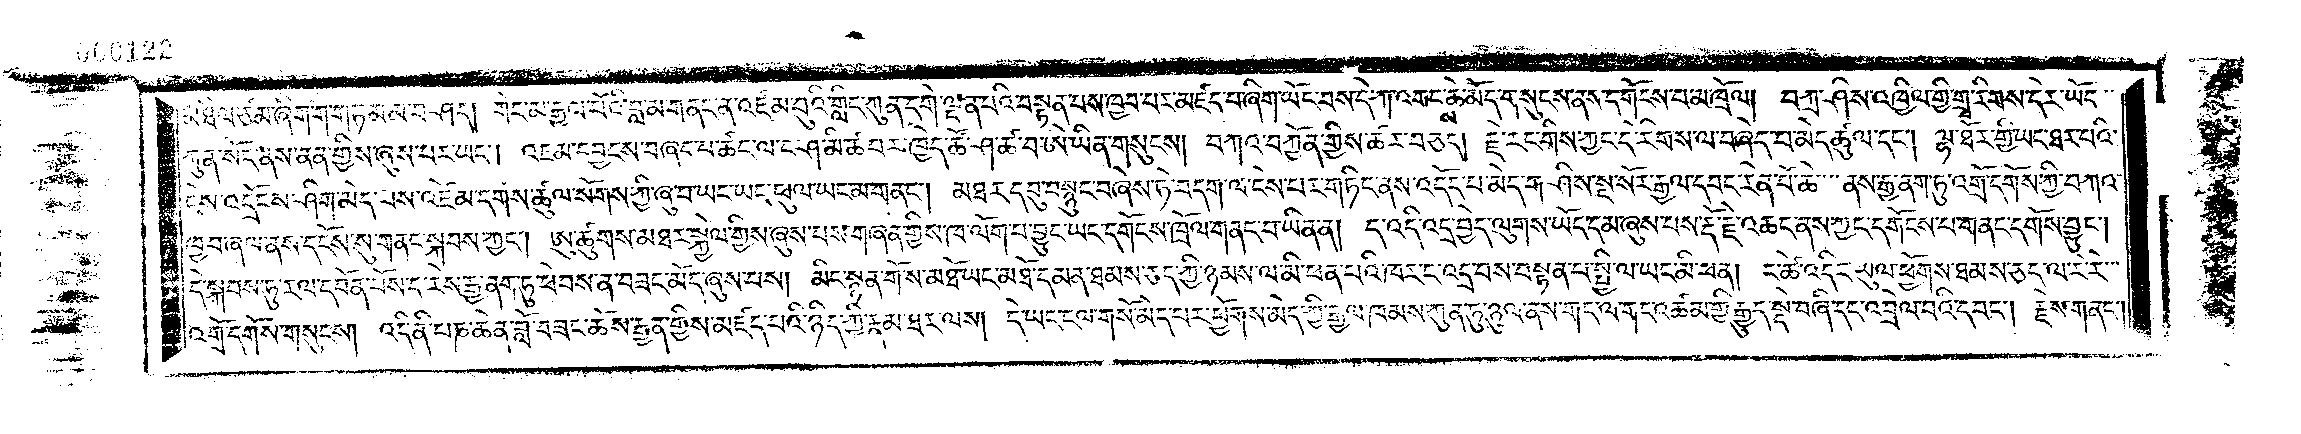མཐིལ་ཙམ་ཞིག་གི་གཏམ་མ་བཤད། གོང་མ་རྒྱལ་པོའི་བླ་མ་གནང་ན་འཛམ་བུའི་གླིང་ཀུན་དགེ་ལྡན་པའི་བསྟན་པས་ཁྱབ་པར་མཛད་པ་ཞིག་ཡོང་བས་དེ་ཀ་འགང་ཆེ་མོད་གསུངས་ནས་དགོངས་པ་མ་ཁྲོལ། བཀྲ་ཤིས་འཁྱིལ་གྱི་གྲྭ་རིགས་དེར་ཡོད་
ཀུན་སོང་ནས་ནན་གྱིས་ཞུས་པར་ཡང་། འཇམ་དབྱངས་བཞད་པ་ཚང་ལ་ང་ཤ་མི་ཚ་བར་ཁྱེད་ཆོ་ཤ་ཚ་བ་ཨེ་ཡིན་གསུངས། བཀའ་བཀྱོན་གྱིས་ཚར་བཅད། རྗེ་རང་གིས་ཀྱང་དེ་རིགས་ལ་བཞེད་པ་མེད་ཚུལ་དང་། ལྷ་ཐོར་གྱི་ཡང་ཐར་པའི་
ངེས་འདྲོངས་ཤིག་མེད་པས་འཛེམ་དགོས་ཚུལ་སོགས་ཀྱི་ཞུ་བ་ཡང་ཡང་ཕུལ་ཡང་མ་གནང་། མཐར་དབུ་བསྙུང་བཞེས་ཏེ་བདག་ལ་ངེས་པར་གཏིང་ནས་འདོད་པ་མེད་གཤིས་སྔ་སོར་རྒྱལ་དབང་རིན་པོ་ཆེ་ནས་རྒྱ་ནག་ཏུ་འགྲོ་དགོས་ཀྱི་བཀའ་
ཁྱབ་ཞལ་ནས་དངོས་སུ་གནང་སྐབས་ཀྱང་། ཨུ་ཚུགས་མཐར་སྐྱེལ་གྱིས་ཞུས་པས་གཞན་གྱིས་ཁ་ལོག་པ་བྱུང་ཡང་དགོངས་ཁྲོལ་གནང་བ་ཡིན་ན། ད་འདི་འདྲ་བྱེད་ལུགས་ཡོད་དམ་ཞུས་པས་རྡོ་རྗེ་འཆང་ནས་ཀྱང་དགོངས་པ་གནང་དགོས་བྱུང་།
དེ་སྐབས་ཏུ་རལ་དབོན་པོས་ང་རེས་རྒྱ་ནག་ཏུ་ཕེབས་ན་བཟང་མོད་ཞུས་པས། མིང་སྙན་གོས་མཐོ་ཡང་མཐོ་དམན་ཐམས་ཅད་ཀྱི་ཉམས་ལ་མི་ཕན་པའི་ཁར་ང་འདྲ་བས་བསྟན་པ་སྤྱི་ལ་ཡང་མི་ལན། ང་ཚེ་འདིར་ཡུལ་ཕྱོགས་ཐམས་ཅད་ལ་རེ་རེ་
འགྲོ་དགོས་གསུངས། འདི་ནི་པཎ་ཆེན་བློ་བཟང་ཆོས་རྒྱན་གྱིས་མཛད་པའི་ཉིད་ཀྱི་རྣམ་ཐར་ལས། དེ་ཡང་ངལ་གསོ་མེད་པར་ཕྱོགས་མེད་ཀྱི་རྒྱལ་ཁམས་ཀུན་ཏུ་ཉུལ་ནས་གང་ལ་གང་འཚམ་གྱི་རྒྱུད་སྡེ་བཞི་དང་འབྲེལ་བའི་དབང་། རྗེས་གནང་།